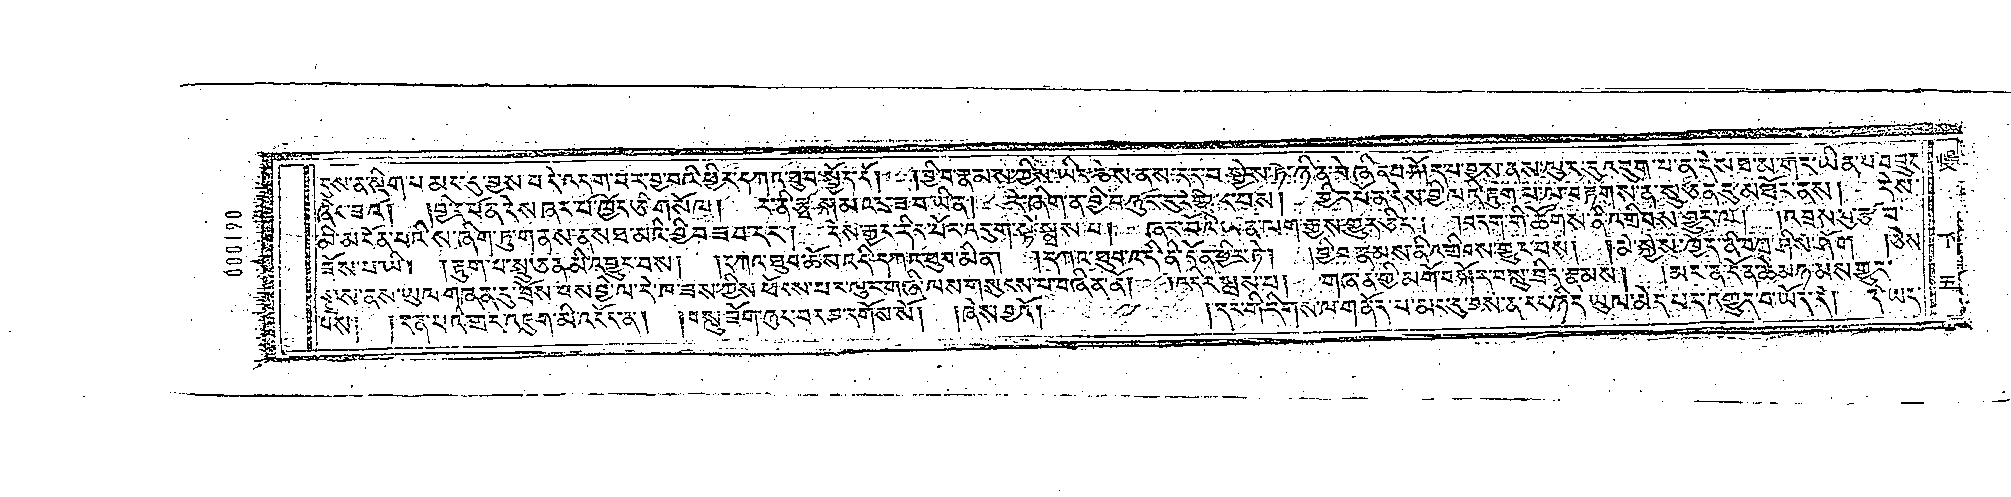དུས་ན་སྡིག་པ་མང་དུ་བྱས་པ་དེ་འདག་པར་བྱ་བའི་ཕྱིར་དཀའ་ཐུབ་སྤྱོད་དོ། །བྱི་བ་རྣམས་ཀྱིས་ཡིད་ཆེས་ནས་དད་པ་སྐྱེས་ཏེ་ཉིན་བཞིན་བསྐོར་པ་བྱས་ནས་ལུང་དུ་འཇུག་པ་ན་དེས་ཐ་མ་གང་ཡིན་པ་བཟུང་
ཞིང་ཟའོ། །བྱི་དཔོན་དེས་ཞང་པོ་ཁྱོད་ཅི་གསོལ། ང་ནི་རྩྭ་སྐམ་འདྲ་ཟ་བ་ཡིན། རེ་ཞིག་ན་བྱི་བ་ཉུང་དུ་རེ་གྱུར་པས། བྱི་དཔོན་དེས་བྱི་ལའི་ཇུག་པ་ལ་བརྟགས་ན་སུ་ཅན་དུ་མཐོང་ནས། དེས་
མི་མངོན་པའི་ས་ཞིག་ཏུ་གནས་ནས་ཐ་མའི་བྱི་བ་ཟ་བ་དང་། དེས་རྒྱང་རིང་པོར་འདུག་སྟེ་སྨྲས་པ། ཞང་པོའི་ཡན་ལག་རྒྱས་གྱུར་ཅིང་། །བདག་གི་ཚོགས་ནི་འགྲིབས་གྱུར་ལ། །འབྲས་བུ་རྩ་བ་
ཟོས་པ་ཡི། །རྟུག་པ་སླུ་ཅན་མི་འབྱུང་བས། །དཀའ་ཐུབ་ཆོས་འདི་དཀའ་ཐུབ་མིན། །དཀའ་ཐུབ་འདི་ནི་དོན་ཕྱིར་ཏེ། །བྱི་བ་རྣམས་ནི་འགྲིབས་གྱུར་པས། །མེ་སྐྱེས་ཁྱོད་ནི་བཀྲ་ཤིས་ཤོག །ཅེས་
སྨྲས་ནས་ཡུལ་གཞན་དུ་བྲོས་བས་བྱི་ལ་དེ་ཁ་ཟས་ཀྱིས་ཕོངས་པར་ལུང་གཞི་ལས་གསུངས་པ་བཞིན་ནོ། །འདིར་སྨྲས་པ། གཞན་གྱི་མགོ་བསྐོར་བསླུ་བྲིང་རྣམས། །མང་ན་དོན་ཆེ་མཉམས་གྱུར་
པས། །རན་པའི་གྲར་འཇུག་མི་འདོད་ན། །བསླུ་ཟོག་ཉུང་བར་བྱ་དགོས་སོ། །ཞེས་བྱའོ། ༧་།རང་གི་རིགས་ལ་གནོད་པ་མང་དུ་བྱས་ན་རང་ཉིད་ཡུལ་མེད་པར་འགྱུར་བ་ཡོད་དེ། དེ་ཡང་